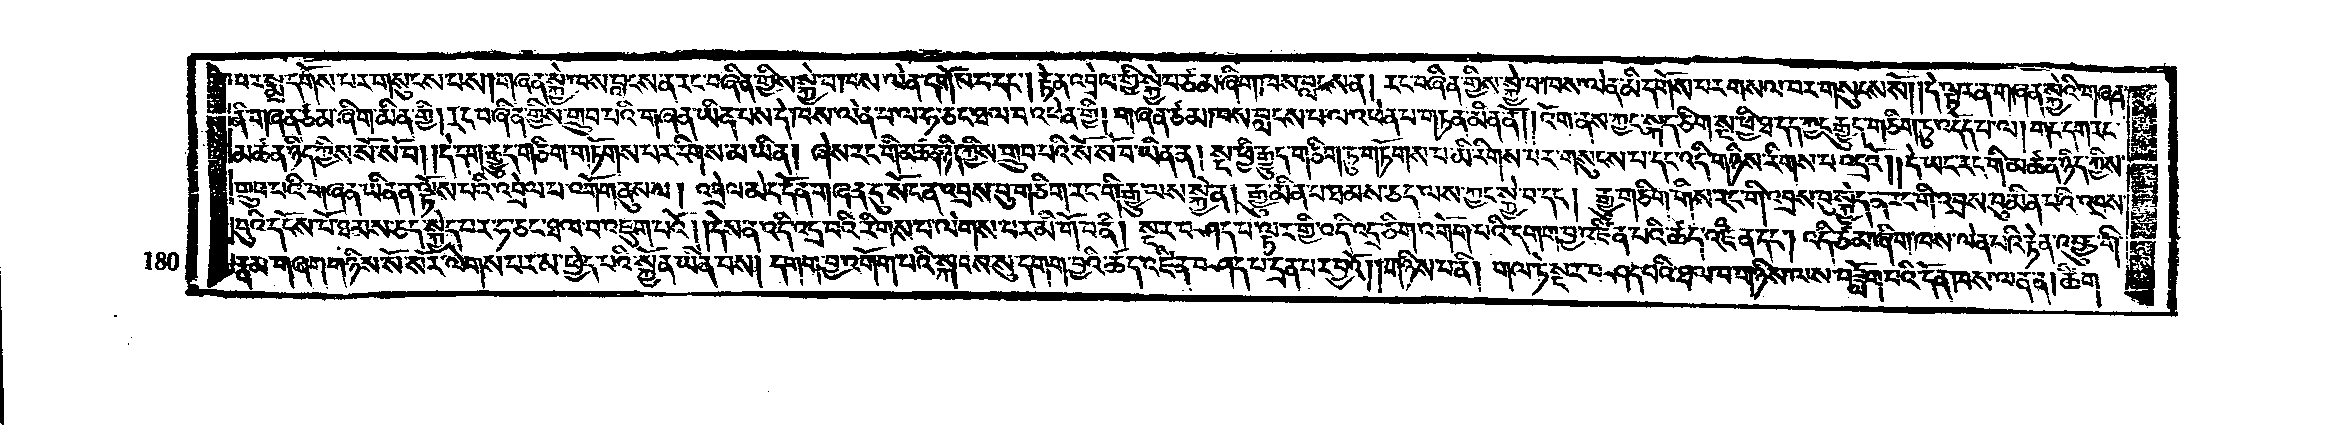པར་སྨྲ་དགོས་པར་གསུངས་པས། གཞན་སྐྱེ་ཁས་བླངས་ན་རང་བཞིན་གྱིས་སྐྱེ་བ་ཁས་ལེན་དགོས་པ་དང་། རྟེན་འབྲེལ་གྱི་སྐྱེ་བ་ཙམ་ཞིག་ཁས་བླངས་ན། རང་བཞིན་གྱིས་སྐྱེ་བ་ཁས་ལེན་མི་དགོས་པར་གསལ་བར་གསུངས་སོ། །དེ་ལྟར་ན་གཞན་སྐྱེའི་གཞན་
ནི་གཞན་ཙམ་ཞིག་མིན་གྱི། རང་བཞིན་གྱིས་གྲུབ་པའི་གཞན་ཡིན་པས་དེ་ཁས་ལེན་པ་ལ་ཧ་ཅང་ཐལ་བ་འཕེན་གྱི། གཞན་ཙམ་ཁས་བླངས་པ་ལ་འཕེན་པ་གཏན་མིན་ནོ། །འོག་ནས་ཀྱང་སྐད་ཅིག་སྔ་ཕྱི་ཐ་དད་ཀྱང་རྒྱུད་གཅིག་ཏུ་འདོད་པ་ལ། གང་དག་རང་
མཚན་ཉིད་ཀྱིས་སོ་སོ་བ། །དེ་དག་རྒྱུད་གཅིག་གཏོགས་པར་རིགས་མ་ཡིན། ཞེས་རང་གི་མཚན་ཉིད་ཀྱིས་གྲུབ་པའི་སོ་སོ་བ་ཡིན་ན། སྔ་ཕྱི་རྒྱུད་གཅིག་ཏུ་གཏོགས་པ་མི་རིགས་པར་གསུངས་པ་དང་འདི་གཉིས་རིགས་པ་འདྲའོ། །དེ་ཡང་རང་གི་མཚན་ཉིད་ཀྱིས་
གྲུབ་པའི་གཞན་ཡིན་ན་ལྟོས་པའི་འབྲེལ་བ་འགོག་ནུས་ལ། འབྲེལ་མེད་དོན་གཞན་དུ་སོང་ན་འབྲས་བུ་གཅིག་རང་གི་རྒྱུ་ལས་སྐྱེ་ན། རྒྱུ་མིན་པ་ཐམས་ཅད་ལས་ཀྱང་སྐྱེ་བ་དང་། རྒྱུ་གཅིག་གིས་རང་གི་འབྲས་བུ་སྐྱེད་ན་རང་གི་འབྲས་བུ་མིན་པའི་འབྲས་
བུའི་དངོས་པོ་ཐམས་ཅད་སྐྱེད་པར་ཧ་ཅང་ཐལ་བ་འཇུག་པའོ། །དེས་ན་འདི་འདྲ་བའི་རིགས་པ་ལེགས་པར་མི་གོ་བ་ནི། སྔར་བཤད་པ་ལྟར་གྱི་འདི་འདྲ་ཅིག་འགོག་པའི་དགག་བྱ་འཛིན་པའི་ཚོད་འཛིན་དང་། འདི་ཙམ་ཞིག་ཁས་ལེན་པའི་རྟེན་འབྱུང་གི་
རྣམ་གཞག་གཉིས་སོ་སོར་ལེགས་པར་མ་ཕྱེད་པའི་སྐྱོན་ཡིན་པས། དགག་བྱ་འགོག་པའི་སྐབས་སུ་དགག་བྱའི་ཚད་འཛིན་བཤད་པ་དྲན་པར་བྱའོ། །གཉིས་པ་ནི། གལ་ཏེ་སྔར་བཤད་པའི་ཐལ་བ་གཉིས་ལས་བཟློག་པའི་དོན་ཁས་ལེན་ན། ཚིག་